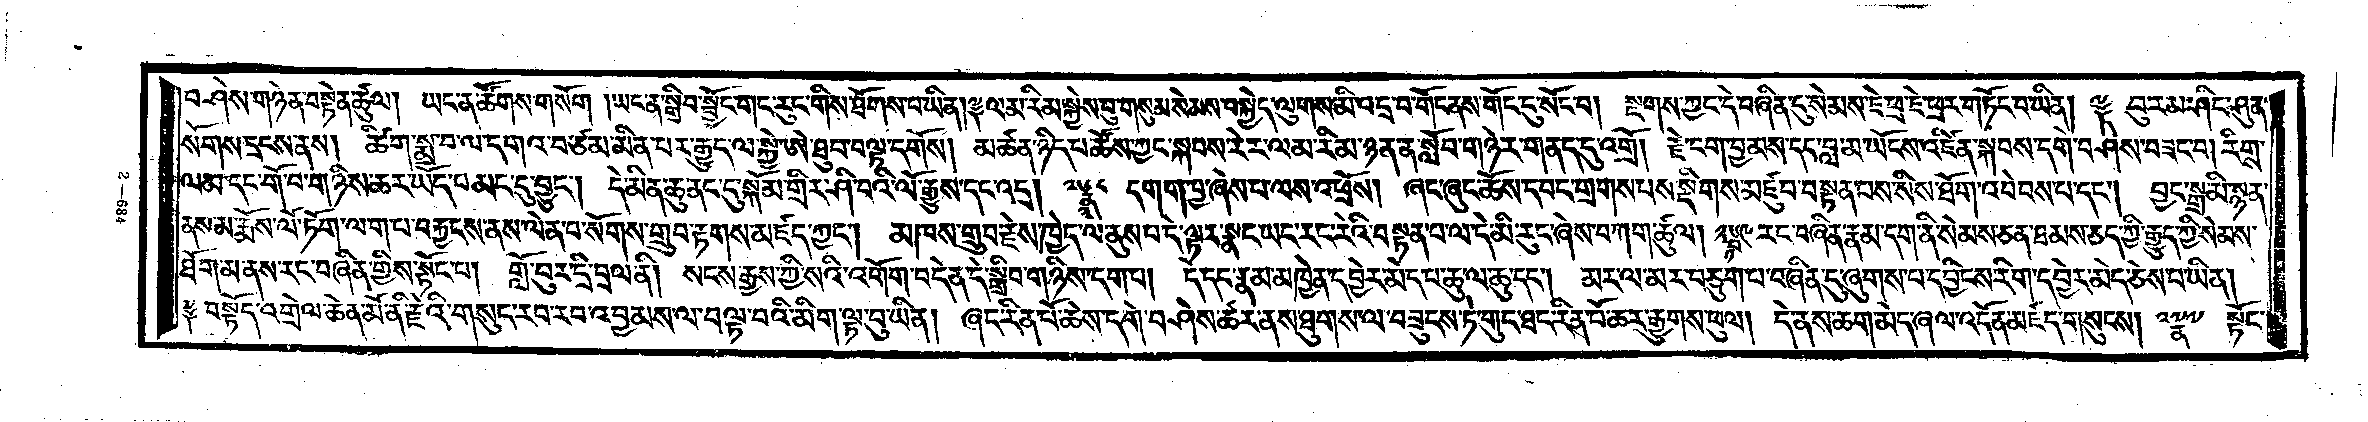བཤེས་གཉེན་བསྟེན་ཚུལ། ཡང་ན་ཚོགས་གསོག །ཡང་ན་སྒྲིབ་སྦྱོང་གང་རུང་གིས་ཐོགས་བ་ཡིན། ༈ ལམ་རིམ་སྐྱེས་བུ་གསུམ་སེམས་བསྐྱེད་ལུགས་མི་འདྲ་བ་གོང་ནས་གོང་དུ་སོང་བ། སྔགས་ཀྱང་དེ་བཞིན་དུ་སེམས་ཇེ་ཕྲ་ཇེ་ཕྲ་གཏོང་བ་ཡིན། ༈ བུ་རམ་ཤིང་ཤུན་
སོགས་དྲངས་ནས། ཚིག་སྨྲ་བ་ལ་དགའ་བ་ཙམ་མིན་པར་རྒྱུད་ལ་སྐྱེ་ཨེ་ཐུབ་བལྟ་དགོས། མཚན་ཉིད་པ་ཚོས་ཀྱང་སྐབས་རེར་ལམ་རིམ་ཉན་ན་སློབ་གཉེར་གནད་དུ་འགྲོ། རྗེ་ངག་བྱམས་དང་བླ་མ་ཡོངས་འཛིན་སྐབས་དགེ་བཤེས་བཟང་བ། རིགས་
ལམ་དང་གོ་བ་གཉིས་ཆར་ཡོད་པ་མང་དུ་བྱུང་། དེ་མིན་ཆུ་ནང་དུ་སྐོམ་གྲིར་ཤི་བའི་ལོ་རྒྱུས་དང་འདྲ། ༢༦༨ན༣་དགག་བྱ་ཞེས་པ་ལས་འཕྲོས། ཞང་ཞུང་ཆོས་དབང་གྲགས་པས་སྡིགས་མཛུབ་བསྟན་པས་སིས་ཐོག་འབེབས་པ་དང་། བྱང་སྒྲ་མི་སྙན་
ནས་མ་རྨོས་ལོ་ཏོག་ལག་པ་བརྐྱངས་ནས་ལེན་པ་སོགས་གྲུབ་རྟགས་མཛད་ཀྱང་། མཁས་གྲུབ་རྗེས་ཁྱེད་ལ་ནུས་པ་དེ་ལྟར་སྣང་ཡང་རང་རེའི་བསྟན་པ་ལ་དེ་མི་རུང་ཞེས་བཀག་ཚུལ། ༡༦༩བ༡་རང་བཞིན་རྣམ་དག་ནི་སེམས་ཅན་ཐམས་ཅད་ཀྱི་རྒྱུད་ཀྱི་སེམས་
ཐོག་མ་ནས་རང་བཞིན་གྱིས་སྟོང་པ། གློ་བུར་དྲི་བྲལ་ནི། སངས་རྒྱས་ཀྱི་སའི་འགོག་བདེན་དེ་སྒྲིབ་གཉིས་དག་པ། དེ་དང་རྣམ་མཁྱེན་དབྱེར་མེད་པ་ཆུ་ལ་ཆུ་དང་། མར་ལ་མར་བཅུག་པ་བཞིན་དུ་ཞུགས་པ་དབྱིངས་རིག་དབྱེར་མེད་ཅེས་པ་ཡིན།
༈ བསྟོད་འགྲེལ་ཆེན་མོ་ནི་རྗེའི་གསུང་རབ་རབ་འབྱམས་ལ་བལྟ་བའི་མིག་ལྟ་བུ་ཡིན། ཞང་རིན་པོ་ཆེས་དགེ་བཤེས་ཚར་ནས་ཐུགས་ལ་བཟུངས་ཏེ་གུང་ཐང་རིན་པོ་ཆར་རྒྱུགས་ཕུལ། དེ་ནས་ཆག་མེད་ཞལ་འདོན་མཛད་གསུངས། ༢༧༧ན་སྟོང་